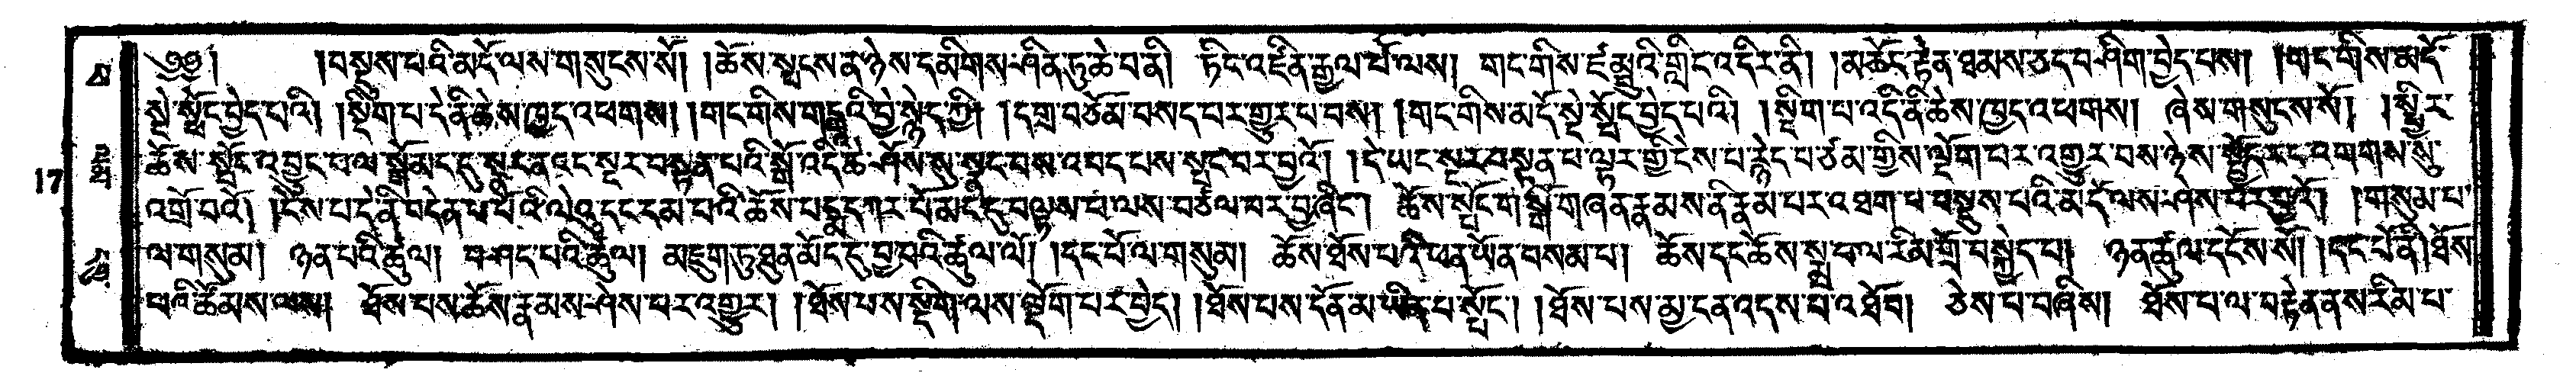༄༅། །བསྡུས་པའི་མོད་ལས་གསུངས་སོ། །ཆོས་སྤངས་ན་ཉེས་དམིགས་ཤིན་ཏུ་ཆེ་བ་ནི། ཏིང་འཛིན་རྒྱལ་པོ་ལས། གང་གིས་ཛམྦུའི་གླིང་འདིར་ནི། །མཆོད་རྟེན་ཐམས་ཅད་བཤིག་བྱེད་པས། །གང་གིས་མདོ་
སྡེ་སྤོང་བྱེད་པའི། །སྡིག་པ་དེ་ནི་ཆེས་ཁྱད་འཕགས། །གང་གིས་གང་གངྒཱི་བྱེ་སྙེད་ཀྱི། །དགྲ་བཅོམ་བསད་པར་གྱུར་པ་བས། །གང་གིས་མདོ་སྡེ་སྤོང་བྱེད་པའི། །སྡིག་པ་འདི་ནི་ཆེས་ཁྱད་འཕགས། ཞེས་གསུངས་སོ། །སྤྱིར་
ཆོས་སྤོང་འབྱུང་བ་ལ་སྒོམ་དུ་སྣང་ནའང་སྔར་བསྟན་པའི་སྒོ་འདི་ཆེ་ཤོས་སུ་སྣང་བས་འབད་པས་སྤང་བར་བྱའོ། །དེ་ཡང་སྔར་བསྟན་པ་ལྟར་གྱི་ངེས་པ་རྙེད་པ་ཙམ་གྱིས་ལྡོག་བར་འགྱུར་བས་ཉེས་སྤྱོད་རང་འགགས་སུ་
འགྲོ་བའོ། །ངེས་པ་དེ་ནི་བདེན་པ་པོའི་ལེའུ་དང་དམ་པའི་ཆོས་པདམ་དཀར་པོ་མང་དུ་བལྟས་པ་ལས་བཙལ་བར་བྱ་ཞིང་། ཆོས་སྤོང་ག་སྒོ་གཞན་རྣམས་ནི་རྣམ་པར་འཐག་པ་བསྡུས་པའི་མདོ་ལས་ཤེས་པར་བྱའོ། །གསུམ་པ་
ལ་གསུམ། ཉན་པའི་ཚུལ། བཤད་པའི་ཚུལ། མཇུག་ཏུ་ཐུན་མོང་དུ་བྱ་བའི་ཚུལ་ལོ། །དང་པོ་ལ་གསུམ། ཆོས་ཐོས་པའི་ཕན་ཡོན་བསམ་པ། ཆོས་དང་ཆོས་སྨྲ་བ་ལ་རིམ་གྲོ་བསྐྱེད་པ། ཉན་ཚུལ་དངོས་སོ། །དང་པོ་ནི། ཐོས་
པའི་ཚོམས་ལས། ཐོས་པས་ཆོས་རྣམས་ཤེས་པར་འགྱུར། །ཐོས་པས་སྡིག་ལས་ལྡོག་པར་བྱེད། །ཐོས་པས་དོན་མ་ཡིན་པ་སྤོང་། །ཐོས་པས་མྱ་ངན་འདས་པ་འཐོབ། ཅེས་པ་བཞིས། ཐོས་པ་ལ་བརྟེན་ནས་རིམ་པ་